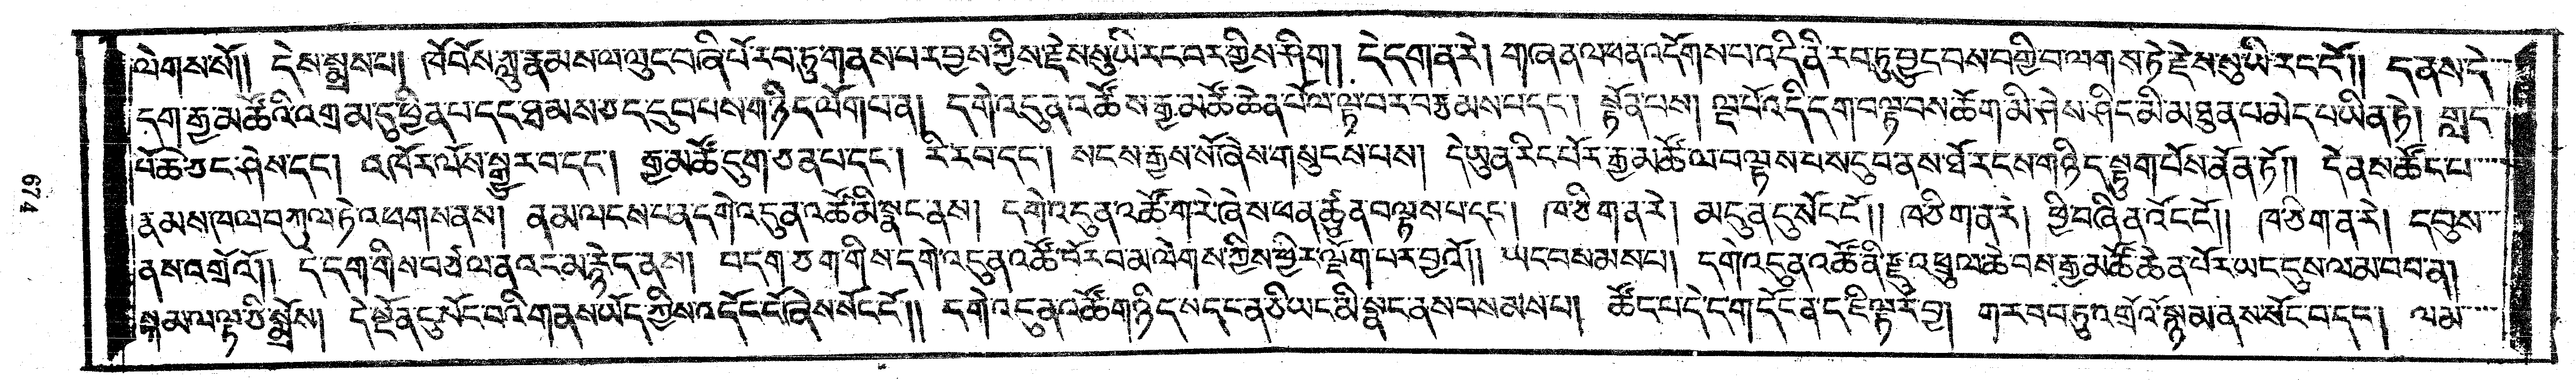ལེགས་སོ།། དེས་སྨྲས་པ། ཁོ་བོས་ཀླུ་རྣམས་ལ་ལུང་བཞི་པོ་རབ་ཏུ་གནས་པར་བྱས་ཀྱིས་རྗེས་སུ་ཡི་རང་བར་གྱིས་ཤིག། དེ་དག་ན་རེ། གཞན་ལ་ཕན་འདོགས་པ་འདི་ནི་རབ་ཏུ་བྱུང་བས་བགྱི་བ་ལགས་ཏེ་རྗེས་སུ་ཡི་རང་ངོ།། ད་ནས་དེ་
དག་རྒྱ་མཚོའི་འགྲམ་དུ་ཕྱིན་པ་དང་ཐམས་ཅད་དུབ་པས་གཉིད་ལོག་པ་ན། དགེ་འདུན་འཚོས་རྒྱ་མཚོ་ཆེན་པོ་ལ་ལྟ་བར་བརྩམས་པ་དང་། སྟོན་པས། ལྔ་པོ་འདི་དག་བལྟ་བས་ཆོག་མི་ཤེས་ཤིང་མི་མཐུན་པ་མེད་པ་ཡིན་ཏེ། གླང་
པོ་ཆེ་ཅང་ཤེས་དང་། འཁོར་ལོས་སྒྱུར་བ་དང་། རྒྱ་མཚོ་དུག་ཅན་པ་དང་། རི་རབ་དང་། སངས་རྒྱས་སོ་ཞེས་གསུངས་པས། དེ་ཡུན་རིང་པོར་རྒྱ་མཚོ་ལ་བལྟས་པས་དུབ་ནས་ཐོ་རངས་གཉིད་སྟུག་པོས་ནོན་ཏོ།། དེ་ནས་ཚོང་པ་
རྣམས་ཁལ་བཀུལ་ཏེ་འཕགས་ནས། ནམ་ལངས་པ་ན་དགེ་འདུན་འཚོ་མི་སྣང་ནས། དགེ་འདུན་འཚོ་ག་རེ་ཞེས་ཕན་ཚུན་བལྟས་པ་དང་། ཁ་ཅིག་ན་རེ། མདུན་དུ་སོང་ངོ།། ཁ་ཅིག་ན་རེ། ཕྱི་བཞིན་འོང་ངོ།། ཁ་ཅིག་ན་རེ། དབུས་
ནས་འགྲོའོ།། དེ་དག་གིས་བཙལ་ནའང་མ་རྙེད་ནས། བདག་ཅག་གིས་དགེ་འདུན་འཚོ་བོར་བ་མ་ལེགས་ཀྱིས་ཕྱིར་ལྡོག་པར་བྱའོ།། ཡང་བསམས་པ། དགེ་འདུན་འཚོ་ནི་རྫུ་འཕྲུལ་ཆེ་བས་རྒྱ་མཚོ་ཆེན་པོར་ཡང་དུས་ལ་མ་བབ་ན།
སྐམ་ལ་ལྟ་ཅི་སྨྲོས། དེ་སྔོན་དུ་སོང་བའི་གནས་ཡོད་ཀྱིས་འདོང་ངོ་ཞེས་སོང་ངོ།། དགེ་འདུན་འཚོ་གཉིད་ས་དང་ན་ཅི་ཡང་མི་སྣང་ནས་བསམས་པ། ཚོང་པ་དེ་དག་དོང་ན་ད་ཇི་ལྟར་བྱ། གར་བབ་ཏུ་འགྲོའོ་སྙམ་ནས་སོང་བ་དང་། ལམ་